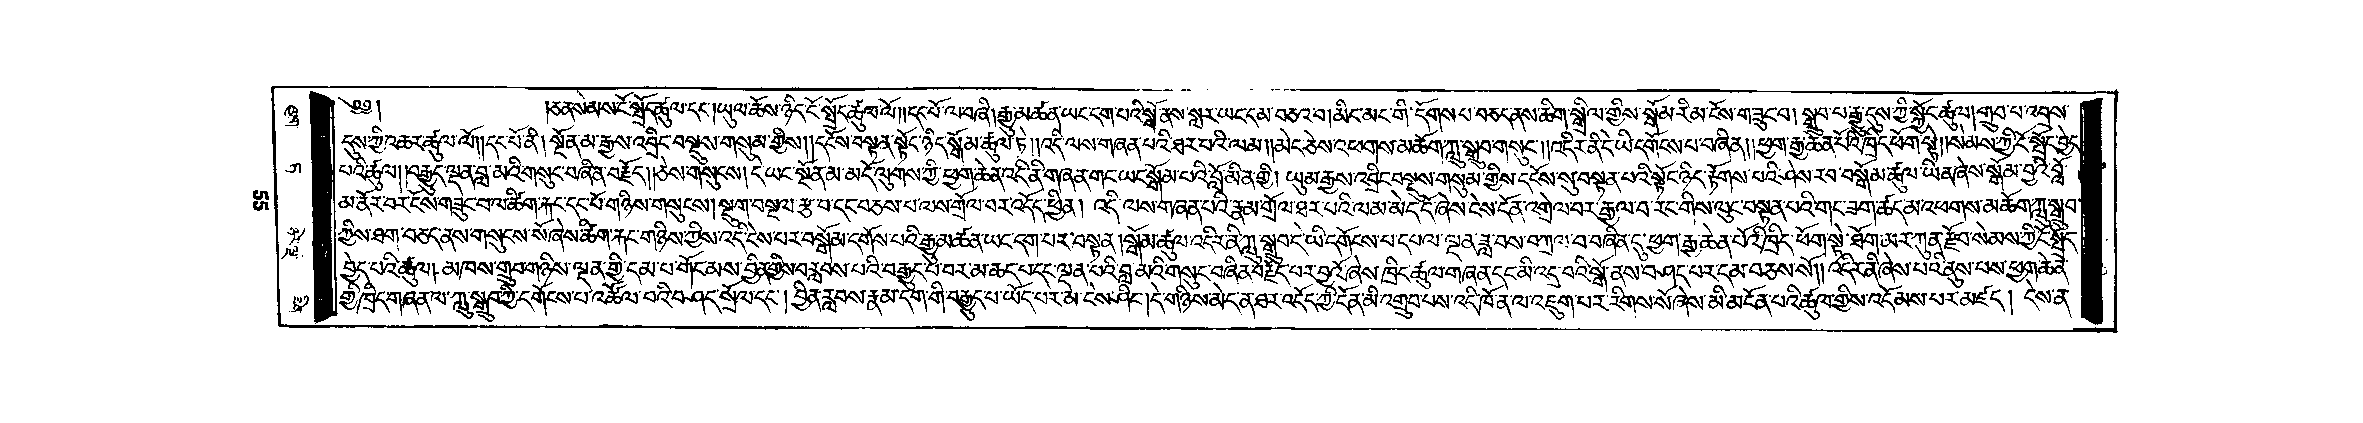༄༅། །ཅན་སེམས་ངོ་སྤྲོད་ཚུལ་དང་། ཡུལ་ཆོས་ཉིད་ངོ་སྤྲོད་ཚུལ་ལོ། །དང་པོ་ལ་བཞི། རྒྱུ་མཚན་ཡང་དག་པའི་སྒོ་ནས་སླར་ཡང་དམ་བཅའ་བ། མིང་མང་གི་དོགས་པ་བཅད་ནས་ཆིག་སྒྲིལ་གྱིས་སྒོམ་རིམ་ངོས་གཟུང་བ། སྒྲུབ་པ་རྒྱུ་དུས་ཀྱི་སྐྱོང་ཚུལ། གྲུབ་པ་འབྲས་
དུས་ཀྱི་འཆར་ཚུལ་ལོ། །དང་པོ་ནི། སྔོན་མ་རྒྱས་འབྲིང་བསྡུས་གསུམ་གྱིས། །དངོས་བསྟན་སྟོང་ཉིད་སྒོམ་ཚུལ་ཏེ། །འདི་ལས་གཞན་པའི་ཐར་པའི་ལམ། །མེད་ཅེས་འཕགས་མཆོག་ཀླུ་སྒྲུབ་གསུང་། །འདིར་ནི་དེ་ཡི་དགོངས་པ་བཞིན། །ཕྱག་རྒྱ་ཆེན་པོའི་ཁྲིད་ཕོག་སྟེ། །སེམས་ཀྱི་ངོ་སྤྲོད་བྱེད་
པའི་ཚུལ། །བརྒྱུད་ལྡན་བླ་མའི་གསུང་བཞིན་བརྗོད། །ཅེས་གསུངས། དེ་ཡང་སྔོན་མ་མདོ་ལུགས་ཀྱི་ཕྱག་ཆེན་འདི་ནི་གཞན་གང་ཡང་སྒོམ་པའི་བློ་མིན་གྱི། ཡུམ་རྒྱས་འབྲིང་བསྡུས་གསུམ་གྱིས་དངོས་སུ་བསྟན་པའི་སྟོང་ཉིད་རྟོགས་པའི་ཤེས་རབ་བསྒོམ་ཚུལ་ཡིན་ཞེས་སྒོམ་བྱའི་བློ་
མ་ནོར་བར་ངོས་གཟུང་བ་ལ་ཚིག་རྐང་དང་པོ་གཉིས་གསུངས། སྡུག་བསྔལ་རྩ་བ་དང་བཅས་པ་ལས་གྲོལ་བར་འདོད་ཕྱིན། འདི་ལས་གཞན་པའི་རྣམ་གྲོལ་ཐར་པའི་ལམ་མེད་དོ་ཞེས་ངེས་དོན་འགྲེལ་བར་རྒྱལ་བ་རང་གིས་ལུང་བསྟན་པའི་གང་ཟག་ཚད་མ་འཕགས་མཆོག་ཀླུ་སྒྲུབ་
ཀྱིས་ཐག་བཅད་ནས་གསུངས་སོ་ཞེས་ཚིག་རྐང་གཉིས་ཀྱིས་འདི་ངེས་པར་བསྒོམ་དགོས་པའི་རྒྱུ་མཚན་ཡང་དག་པར་བསྟན། སྒོམ་ཚུལ་འདིར་ནི་ཀླུ་སྒྲུབ་དེ་ཡི་དགོངས་པ་དཔལ་ལྡན་ཟླ་བས་བཀྲལ་བ་བཞིན་དུ་ཕྱག་རྒྱ་ཆེན་པོའི་ཁྲིད་ཕོག་སྟེ་ཐོག་མར་ཀུན་རྫོབ་སེམས་ཀྱི་ངོ་སྤྲོད་
བྱེད་པའི་ཚུལ། མཁས་གྲུབ་གཉིས་ལྡན་གྱི་དམ་པ་གོང་མས་བྱིན་གྱིས་བརླབས་པའི་བརྒྱུད་པ་བར་མ་ཆད་པ་དང་ལྡན་པའི་བླ་མའི་གསུང་བཞིན་བརྗོད་པར་བྱའོ་ཞེས་ཁྲིད་ཚུལ་གཞན་དང་མི་འདྲ་བའི་སྒོ་ནས་བཤད་པར་དམ་བཅས་སོ། །འདིར་ནི་ཞེས་པའི་ནུས་པས་ཕྱག་ཆེན་
གྱི་ཁྲིད་གཞན་ལ་ཀླུ་སྒྲུབ་ཀྱི་དགོངས་པ་འཚོལ་བའི་བཤད་སྲོལ་དང་། བྱིན་རླབས་རྣམ་དག་གི་བརྒྱུད་པ་ཡོད་པར་མ་ངེས་ཤིང་། དེ་གཉིས་མེད་ན་ཐར་འདོད་ཀྱི་དོན་མི་འགྲུབ་པས་འདི་ཁོ་ན་ལ་འཇུག་པར་རིགས་སོ་ཞེས་མི་མངོན་པའི་ཚུལ་གྱིས་འདོམས་པར་མཛད། དེས་ན་